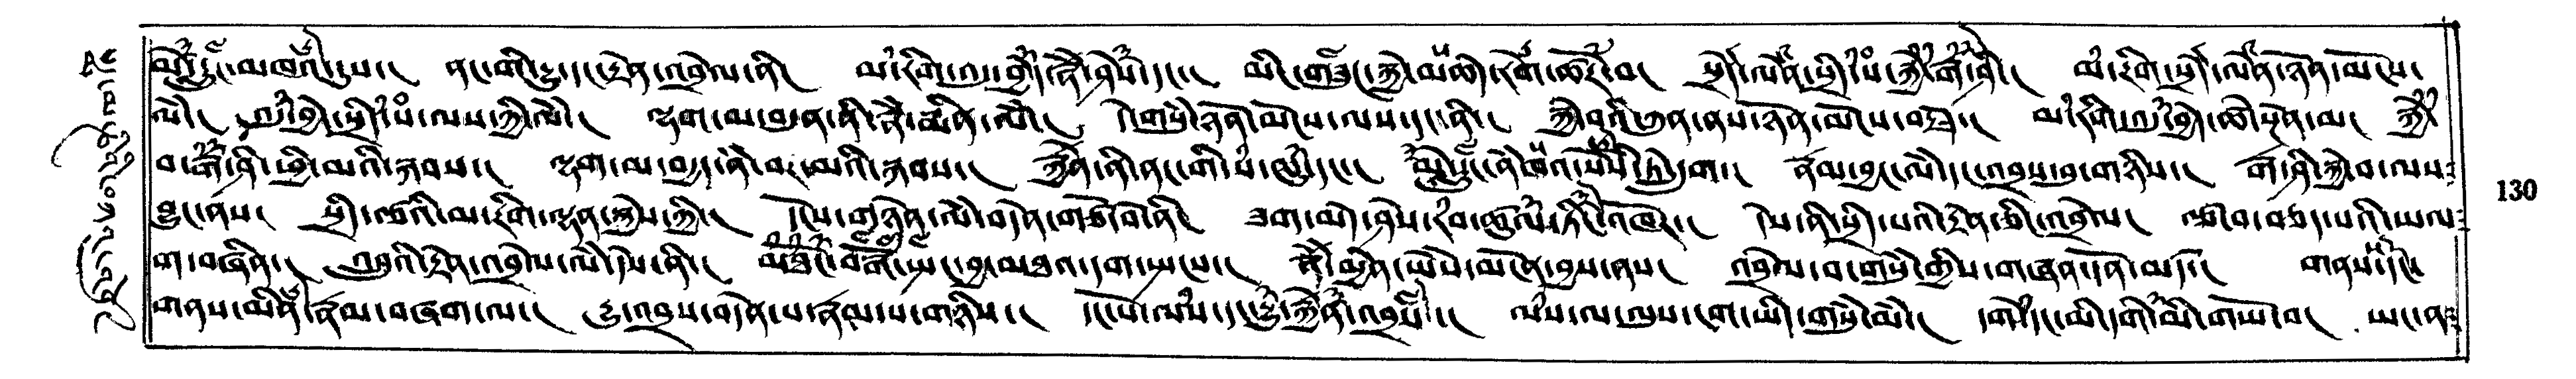མེ་རླུང་མཁའ་དུས། །ནང་གི་རྒྱུ་དང་རྟེན་འབྲེལ་ནི། །མ་རིག་འདུ་བྱེད་རྣམ་ཤེས་དང་། །མིང་གཟུགས་སྐྱེ་མཆེད་རེག་ཚོར་བ། །སྲེད་ལེན་སྲིད་པ་སྐྱེ་རྒ་ཤི། །མ་རིག་སྲེད་ལེན་ཉོན་མོངས་
ལམ། །འདུ་བྱེད་སྲིད་པ་ལས་ཀྱི་ལམ། །ལྷག་མ་བདུན་ནི་རྣམ་སྨིན་ལམ། །དེ་གསུམ་ཉོན་མོངས་ལས་དང་ནི། །སྐྱེ་བའི་ཀུན་ནས་ཉོན་མོངས་བརྗོད། །མ་རིག་འདུ་བྱེད་ཚེ་སྔོན་མ། །སྐྱེ་
བ་རྒ་ཤི་ཕྱི་མའི་སྐབས། །ལྷག་མ་བརྒྱད་ནི་བར་མའི་སྐབས། །རྐྱེན་ནི་ནང་གི་ས་ཆུ་དང་། །མེ་རླུང་ནམ་མཁའ་སེམས་ཏེ་དྲུག།རྣམ་བྱང་ལམ་དང་འབྲས་བུ་གཉིས། །རྒ་ཤི་སྐྱེ་བ་ལས་
བྱུང་ནས། །སྲིད་རྩའི་མ་རིག་ལྷན་སྐྱེས་ཀྱི། །དངོས་གཉེན་ལམ་བདེན་གཙོ་བོ་ནི། །ཟག་མེད་ཤེས་རབ་ཚུལ་ཏིང་འཁོར། །དེས་ནི་སྲིད་པའི་རྟེན་ཅིང་འབྲེལ། །རྩ་བ་བཅད་པའི་ཡལ་
ག་བཞིན། །འབྲས་བུའི་རྟེན་འབྲེལ་ལམ་དེས་ནི། །མཐོང་སྒོམ་སྤང་བྱ་མཐའ་དག་སྤངས། །རྣམ་མཁྱེན་ཡེ་ཤེས་མངོན་བྱས་ནས། །འབྲེལ་བ་གསུམ་གྱིས་གཞན་དོན་མཛད། །
གནས་དང་གནས་མིན་རྣམ་གཞག་ལ། །རྒྱུ་འབྲས་བདེན་པ་རྣམ་པ་གཉིས། །དང་པོ་ལས་དང་རྒྱུ་རྐྱེན་འབྲས། །ལས་ལ་ལུས་ངག་ཡིད་གསུམ་མམ། །དགེ་དང་མི་དགེ་མི་གཡོ་བ། །ཡང་ན་